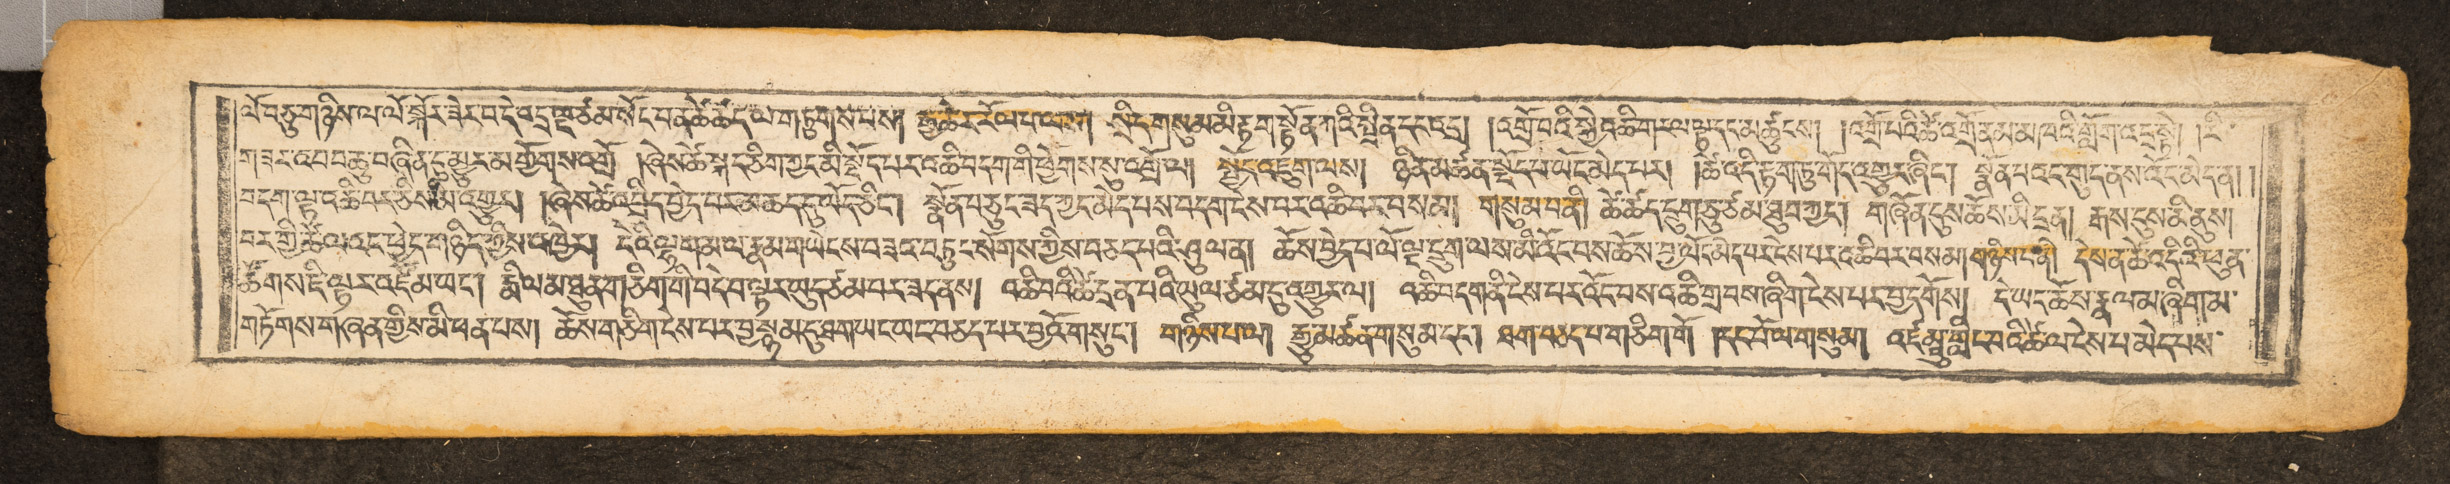ལོ་བཅུ་གཉིས་ལ་ལོ་སྐོར་བེར་བ་དེ་འདྲ་ལྔ་ཙམ་སོང་བ་ན་ཚེ་ཚད་ལ་གཏུགས་པས། རྒྱ་ཆེར་རོལ་པ་ལས། སྲིད་གསུམ་མི་རྟག་སྟོན་ཀའི་སྤྲིན་དང་འདྲ། །འགྲོ་བའི་སྐྱེ་འཆིག་རལ་ལྟ་དང་མཚུངས། །འགྲོ་བའི་ཚེ་འགྲོ་ནམ་མཁའི་གློག་འདྲ་སྟེ། །རི་
གཟར་འབབ་ཆུ་བཞིན་དུ་མྱུར་མགྱོགས་འགྲོ། །ཞེས་ཚེ་སྐད་ཅིག་ཀྱང་མི་སྡོད་པར་འཆི་བདག་གི་ཕྱོགས་སུ་འགྲོ་ལ། སྤྱོད་འཇུག་ལས། ཉིན་མཚན་སྡོད་པ་ཡོད་མེད་པར། །ཚེ་འདི་རྟག་ཏུ་གོད་འགྱུར་ཞིང་། སྣོན་པའང་གུད་ནས་འོད་མེད་ན།།
བདག་ལྟ་འཆི་བར་ཅིས་མི་འགྱུར། །ཞེས་ཚེ་འབྲིད་བྱེད་པར་མཆད་དུ་ཡོད་ཅིང་། སྣོན་པ་ཅུང་ཟད་ཀྱང་མེད་པས་བདག་ངེས་པར་འཆི་བར་བསམ། གསུམ་པ་ནི། ཚེ་ཚད་དྲུག་ཅུ་ཙམ་ཐུབ་ཀྱང་། གཞོན་དུས་ཆོས་མི་དྲན། རྒས་དུས་མི་ནུས།
བར་གྱི་ཚེ་ལའང་ཕྱེད་གཉིས་ཀྱིས་འཁྱེར། དེའི་ལྷག་མ་ལ་རྣམ་གཡེངས་བཟའ་བཏུང་སོགས་ཀྱིས་བཅད་པའི་ཤུལ་ན། ཆོས་བྱེད་པ་ལོ་ལྔ་དྲུག་ལས་མི་འོང་བས་ཆོས་བྱ་ལོང་མེད་བར་ངེས་པར་འཆི་བར་བསམ། གཉིས་པ་ནི། དེས་ན་ཚེ་འདིའི་ཕུན་
ཚོགས་ཇི་ལྟར་འཛོམ་ཡང་། རྨི་ལམ་ཐུན་གཅིག་གི་བདེ་བ་ལྟར་ལུད་ཙམ་པར་ཟད་ནས། འཆི་བའི་ཚེ་དྲན་པའི་ཡུལ་ཙམ་དུ་འགྱུར་ལ། འཆི་བདག་ནི་ངེས་པར་འོང་བས་འཆི་གྲ་བས་ཞིག་ངེས་པར་བྱ་དགོས། དེ་ཡང་ཆོས་རྣལ་མ་ཞིག་མ་
གཏོགས་གཞན་གྱིས་མི་ཕན་པས། ཆོས་གཅིག་ངེས་པར་བྱ་སྙམ་དུ་ཐག་ཡང་ཡང་བཅད་པར་བྱའོ་གསུང་། གཉིས་པ་ལ། རྒྱུ་མཚན་གསུམ་དང་། ཐག་བཅད་པ་གཅིག་གོ །དང་པོ་ལ་གསུམ། འཛམ་བུ་གླིང་པའི་ཚེ་ལ་ངེས་པ་མེད་པས་